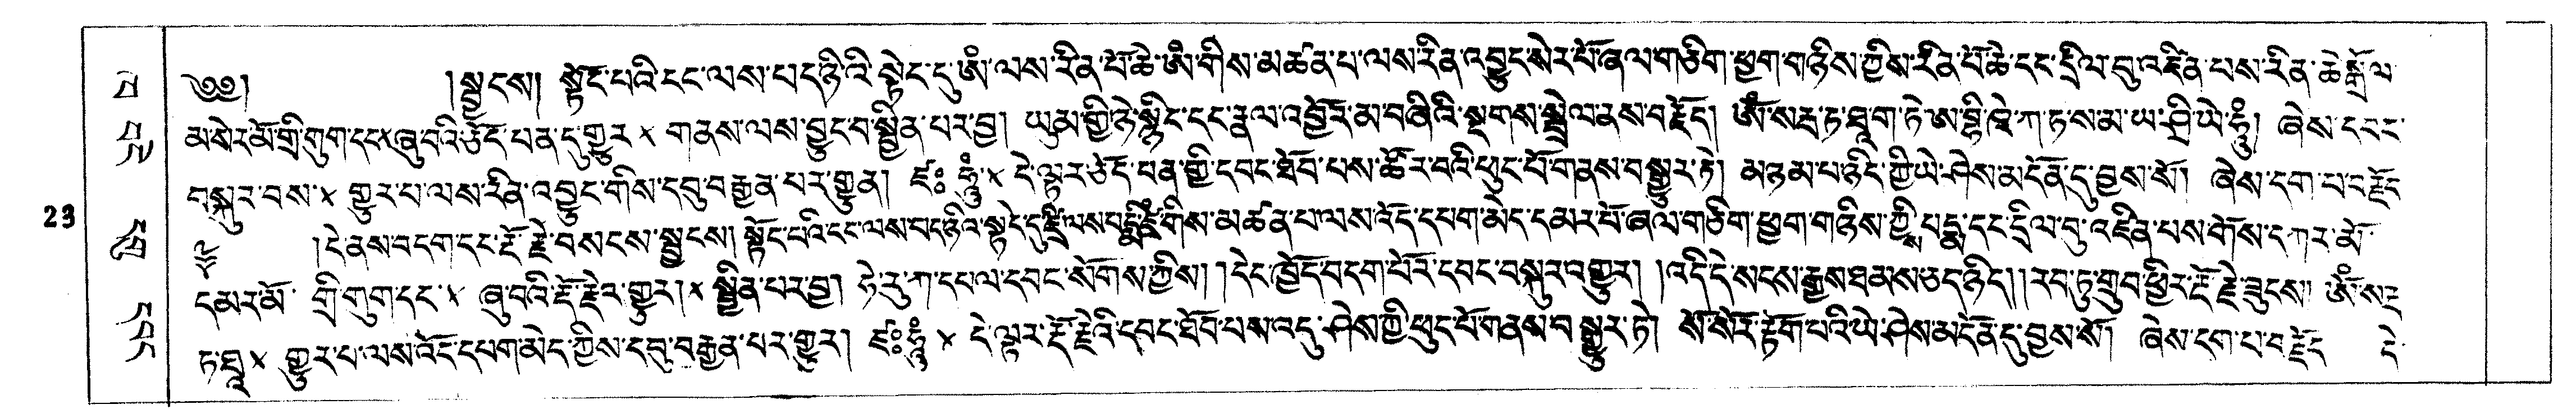༄༅། །སྦྱངས། སྟོང་པའི་ངང་ལས་པད་ཉིའི་སྟེང་དུ་ཨཾ་ལས་རིན་པོ་ཆེ་ཨཾ་གིས་མཚན་པ་ལས་རིན་འབྱུང་སེར་པོ་ཞལ་གཅིག་ཕྱག་གཉིས་ཀྱིས་རིན་པོ་ཆེ་དང་དྲིལ་བུ་འཛིན་པས་རིན་ཆེ་སྒྲོལ་
མ་སེར་མོ་གྲི་གུག་དང་྾་ཞུ་བའི་ཅོད་པན་དུ་གྱུར་྾་གནས་ལས་བྱུང་བ་སྦྱིན་པར་བྱ། ཡུམ་གྱི་ཉེ་སྙིང་དང་རྣལ་འབྱོར་མ་བཞིའི་སྔགས་སྤྲེལ་ནས་བརྗོད། ཨོཾ་སརྦ་ཏ་ཐཱ་ག་ཏེ་ཨ་བྷི་སཿརེ་?་ཀ་ཏ་ས་མ་ཡ་ཤྲི་ཡེ་ཧཱུཾ། ཞེས་དབང་
བསྐུར་བས་྾་གྱུར་པ་ལས་རིན་འབྱུང་གིས་དབུ་བརྒྱན་པར་གྱུན། ཛཿ ཧཱུཾ་྾་དེ་ལྟར་ཅོད་པན་གྱི་དབང་ཐོབ་པས་ཚོར་བའི་ཕུང་པོ་གནས་བསྒྱུར་ཏེ། མཉམ་པ་ཉིད་ཀྱི་ཡེ་ཤེས་མདོན་དུ་བྱས་སོ། ཞེས་དག་པ་བརྗོད་
༈ །དེ་ནས་བདག་དང་རྡོ་རྗེ་བསངས་སྦྱངས། སྟོང་པའི་ངང་ལས་པད་ཉིའ་སྟེང་དུ་ཛི་ལས་པདམི་ཛྲཾ་གིས་མཚན་པ་ལས་འོད་དཔག་མེད་དམར་པོ་ཞལ་གཅིག་ཕྱག་གཉིས་ཀྱིས་པདམ་དང་དྲིལ་བུ་འཛིན་པས་གོས་དཀར་མོ་
དམར་མོ་གྲི་གུག་དང་྾་ཞུ་བའི་རྡོ་རྗེར་?་གྱུར། ྾་སྦྱིན་པར་བྱ། ཧེ་རུ་ཀ་དཔལ་དབང་སོགས་ཀྱིས། །དེང་ཁྱོད་བདག་པོར་དབང་བསྐུར་འགྱུར། །འདི་དེ་སངས་རྒྱས་ཐམས་ཅད་ཉིད། །རབ་ཏུ་གྲུབ་ཕྱིར་རྡོ་རྗེ་ཟུངས། ཨོཾ་ས་རྡ་
ཏ་ཐཱ་྾་གྱུར་པ་ལས་འོད་དཔག་མེད་ཀྱིས་དབུ་བརྒྱན་པར་གྱུར། ཛཿ ཧཱུཾ་྾་དེ་ལྟར་རྡོ་རྗེའི་དབང་ཐོབ་པས་འདུ་ཤེས་ཀྱི་ཕུང་པོ་གནས་བསྒྱུར་ཏེ། སོ་སོར་རྟོག་པའི་ཡེ་ཤེས་མངོན་དུ་བྱས་སོ། ཞེས་དག་པ་བརྗོད་དེ་